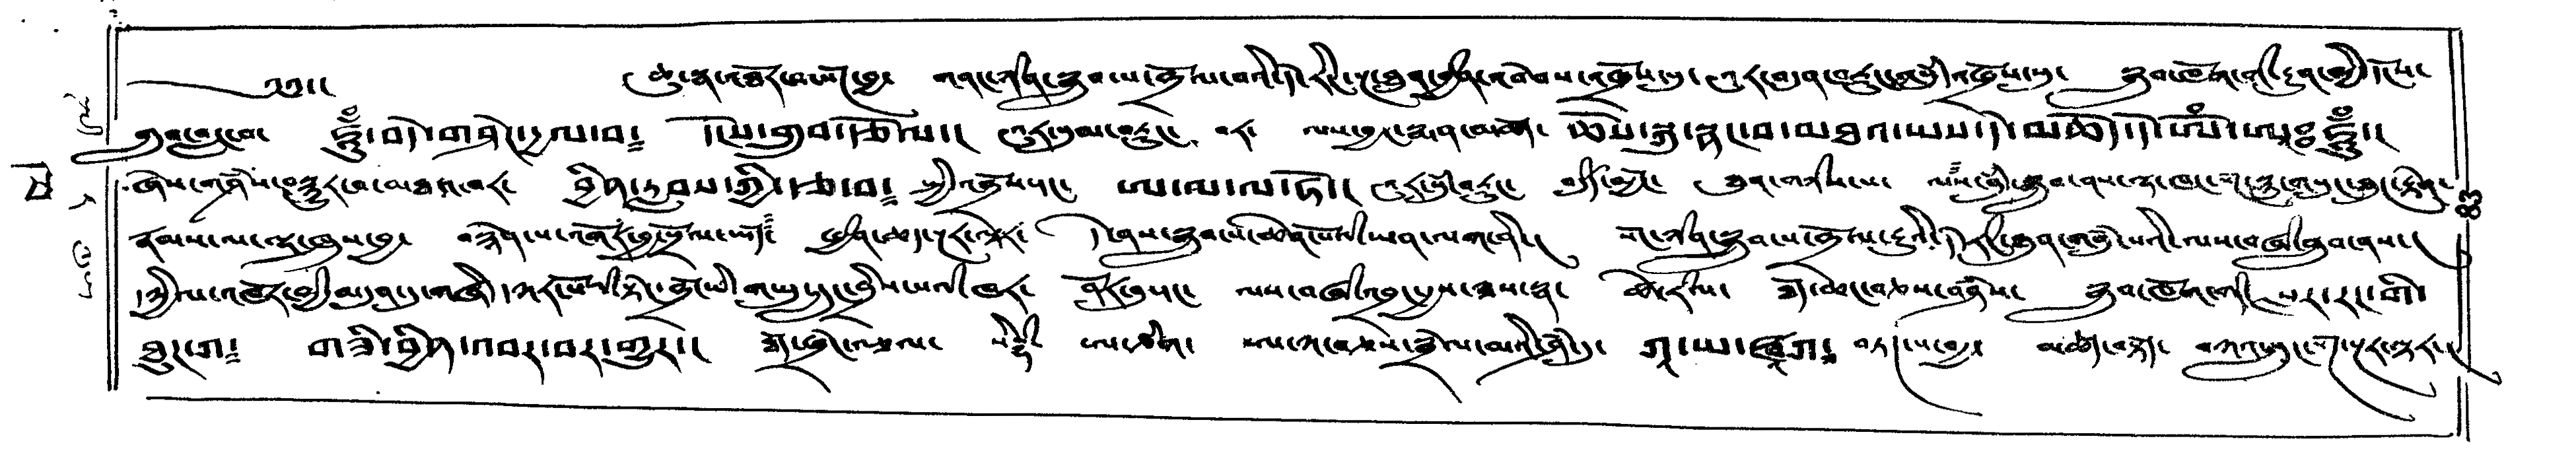ཆུ་སྣ་འཐོར་བ་སོགས་བྱ། གནང་ཉིན་སྒྲུབ་པ་གྲོལ་བའི་དེ་རིང་སྔ་ཐུན་བྱིན་འབེབས་འཕྲོས་སུ་འུར་བདུན་བརྡུང་གསུམ་འཕྲོས་སུ། སྒྲུབ་ཁོག་གི་རྒྱུན་གྱི་དངོས་
གྲུབ་བླང་བ། ཧཱུྃ་བདེ་གཤེགས་རྒྱལ་བ༴ དངོས་གྲུབ་སྩོལ། འུར་སུམ་བརྡུང་། བར་ལས་བྱང་སྨན་མཆོད། ཆོས་སྐུ་སྣང་བ་མཐའ་ཡས་དེ་མཆོད་དོ་ཨོཾ་ཨཱཿཧཱུྃ། 
ཞེས་གཤམ་བསྐུར་བ་མཐའ་བར། བྱིན་རླབས་ཀྱི་རྩ་བ་༴ སྤྱི་འགྲོས་དང་། ཨ་ལ་ལ་ཧོ། འུར་སུམ་བརྡུང་། བདུད་རྩི་མྱོང་། ཐུན་གཉིས་པ། ལས་བུམ་སྒྲུབ་ནས་ལྷ་ཁང་སོགས་སྐུ་གསུང་ཐུགས་རྟེན་
རྣམས་ལ་ལྷ་ཁྲུས་བྱ། བསྙེན་པ་འགོར་བྱ་སྲོལ་ཡོད། ཕྱིན་ཆད་སྔར་ལྟར། དེ་ནས་སྒྲུབ་པ་ཆེན་པོའི་ཡན་ལག་ནི། སང་ཉིན་སྒྲུབ་པ་གྲོལ་རྒྱུའི་དེ་རིང་ཐུན་གསུམ་པའི་ལས་བཞི་གྲུབ་ནས།
དཀྱིལ་འཁོར་གྱི་མདུན་དུ་གཞི་དཀར་པོའི་སྟེང་གྲོ་ཡི་གཡུང་དྲུང་བྲིས་པའི་ཁར། ནོར་བུ་དང་། ལས་བཞི་འབྲང་རྒྱས། ཟས་སྣ། ཚེ་རིལ། ཐོད་ཆང་བཅས་བཤམས། སྒྲུབ་ཁོག་གི་སླར་རང་གི་
ཐུགས་ཀ༴ གཟི་བྱིན་འབར་བར་གྱུར། ཐོད་ཕྲེང་རྩལ། སིདྡྷི། ཨཙིག ཨ་ཀ་བཅས་སྦྲེལ་མའི་ཤམ་དུ། ཀཱ་ཡ་ཝཱཀ༴ བཏགས་པ་བརྒྱ། མཆོད་བསྟོད། བཀའ་སྲུུང་སོགས་སྔར་ལྟར།